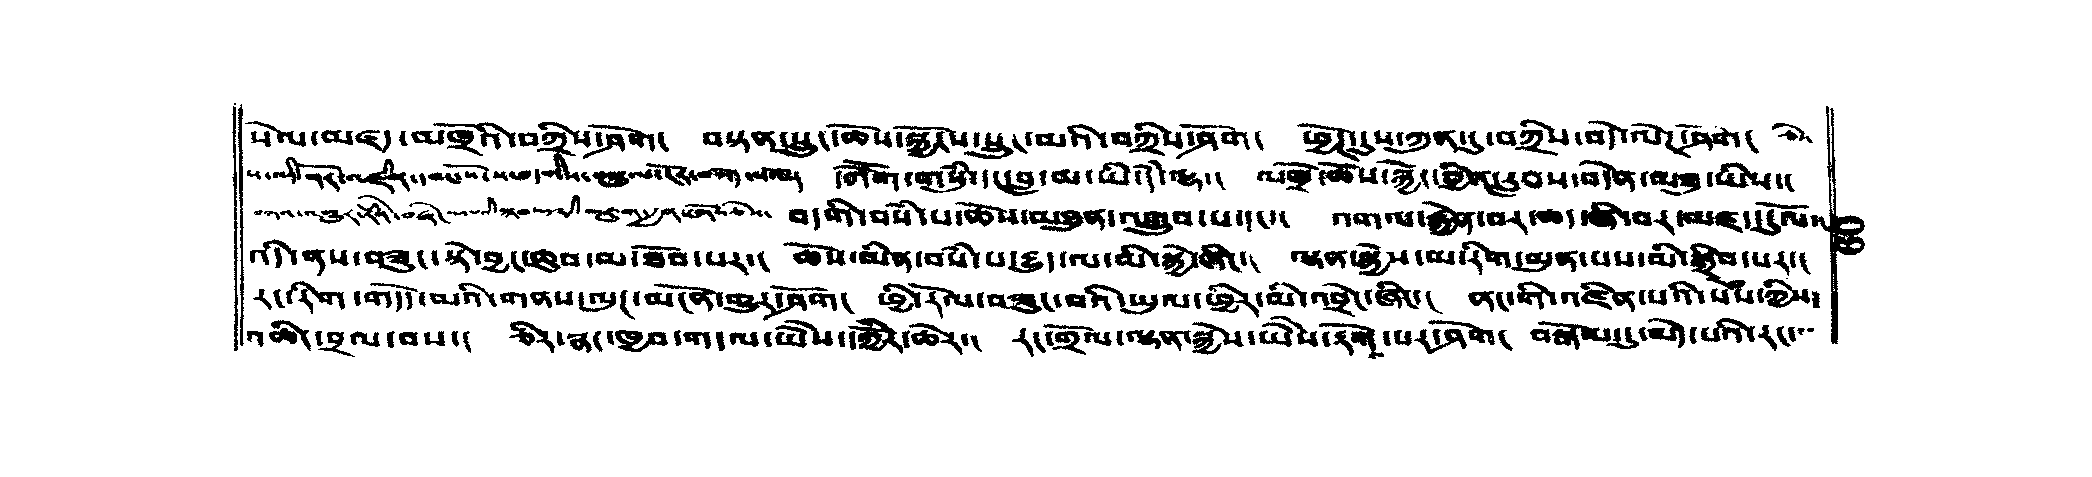སེལ་མཛད་མཁའ་འགྲོའི་བཀྲ་ཤིས་ཤོག །བསྟན་སྲུང་ཆོས་སྐྱོང་སྲུང་མའི་བཀྲ་ཤིས་ཤོག །ཕྱོགས་དུས་ཀུན་ཏུ་བཀྲ་ཤིས་བདེ་ལེགས་ཤོག ཅེས་
པ་འདི་ནོར་འཛིན་དབང་པོ་བདག་གིས་བསྐུལ་ངོར་བཀོད་པའོ།། དཀོན་མཆོག་གསུམ་དང་བླ་མ་ཡི་དམ་ལྷ། །མཁའ་འགྲོ་ཆོས་སྐྱོང་བྱིན་རླབས་བདེན་མཐུ་ཡིས། །
བཀའ་འགྱུར་རྣམས་བཞི་པའི་སྐབས་འཇུག་རྒྱན་ཅེས་ བདག་གི་བསམ་པ་ཆོས་མཐུན་འགྲུབ་པ་དང་། །འགལ་རྐྱེན་བར་ཆད་ཞི་བར་མཛད་དུ་གསོལ། །
འདི་ནས་བཟུང་སྟེ་བྱང་ཆུབ་མ་ཐོབ་པར། །ཆོས་མིན་བསམ་པ་རྒྱུད་ལ་མི་སྐྱེ་ཞིང་། །ལྷན་སྐྱེས་མ་རིག་མུན་པས་མི་སྒྲིབ་པར། །
རང་རིག་གདོད་མའི་གནས་ལུགས་མངོན་གྱུར་ཤོག །ཕྱི་རོལ་བཟུང་བའི་ཡུལ་ཕྱིར་མི་འབྲེང་ཞིང་། །ནང་གི་འཛིན་པའི་སེམས་ཀྱིས་
འཆིང་བྲལ་བས། །ཅིར་སྣང་ཁྱབ་གདལ་ཡེ་ཤེས་དཀྱིལ་འཁོར་ཆེར། །རང་གྲོལ་ལྷན་སྐྱེས་ཡེ་ཤེས་རྟོགས་པར་ཤོག །བསྒོམ་དུ་མེད་པའི་རང་